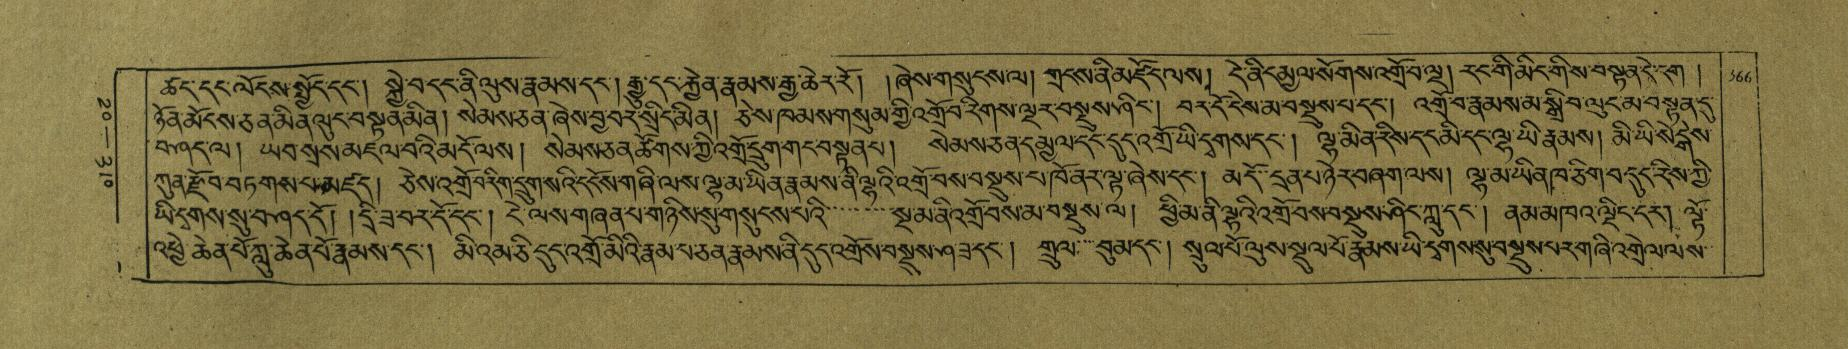ཚད་དང་ལོངས་སྤྱོད་དང་། སྐྱེ་བ་དང་ནི་ལུས་རྣམས་དང་། རྒྱུ་དང་རྐྱེན་རྣམས་རྒྱ་ཆེར་རོ། །ཞེས་གསུངས་ལ། གྲངས་ནི་མཛོད་ལས། དེ་ནི་དམྱལ་སོགས་འགྲོ་བ་ལྔ། རང་གི་མིང་གིས་བསྟན་དེ་དག །
ཉོན་མོངས་ཅན་མིན་ལུང་བསྟན་མིན། སེམས་ཅན་ཞེས་བྱ་བར་སྲིད་མིན། ཅེས་ཁམས་གསུམ་གྱི་འགྲོ་བ་རིགས་ལྔར་བསྡུས་ཤིང་། བར་དོ་ངེས་མ་བསྡུས་པ་དང་། འགྲོ་བ་རྣམས་མ་སྒྲིབ་ལུང་མ་བསྟན་དུ་
བཤད་ལ། ཡབ་སྲས་མཇལ་བའི་མདོ་ལས། སེམས་ཅན་ཚོགས་ཀྱི་འགྲོ་དྲུག་གང་བསྟན་པ། སེམས་ཅན་དམྱལ་དང་དུད་འགྲོ་ཡི་དྭགས་དང་། ལྷ་མིན་རིས་དང་མི་དང་ལྷ་ཡི་རྣམས། མི་ཡི་སེངྒེས་
ཀུན་རྫོབ་བཏགས་པ་མཛད། ཅེས་འགྲོ་བ་རིག་དྲུག་སའི་དངོས་གཞི་ལས་ལྷ་མ་ཡིན་རྣམས་ནི་ལྷའི་འགྲོ་བས་བསྡུས་པ་ཁོ་ནར་ལྟ་ཞེས་དང་། མདོ་དྲན་པ་ཉེར་བཞག་ལས། ལྷ་མ་ཡིན་ཁ་ཅིག་བདུད་རིས་ཀྱི་
ཡི་དྭགས་སུ་བཤད་དོ། །དྲི་ཟ་བར་དོ་དང་། དེ་ལས་གཞན་པ་གཉིས་སུ་གསུངས་པའི་སྔ་མ་ནི་འགྲོ་བས་མ་བསྡུས་ལ། ཕྱི་མ་ནི་ལྷའི་འགྲོ་བས་བསྡུས་ཤིང་ཀླུ་དང་། ནམ་མཁའ་ལྡིང་དང་། ལྟོ་
འཕྱེ་ཆེན་པོ་ཀླུ་ཆེན་པོ་རྣམས་དང་། མི་འམ་ཅི་དུད་འགྲོ་མིའི་རྣམ་པ་ཅན་རྣམས་ནི་དུད་འགྲོས་བསྡུས་ཤ་ཟ་དང་། གྲུལ་བུམ་དང་། སྲུལ་པོ་ལུས་སྡུལ་པོ་རྣམས་ཡི་དྭགས་སུ་བསྡུས་པར་གཞི་འགྲེལ་ལས་